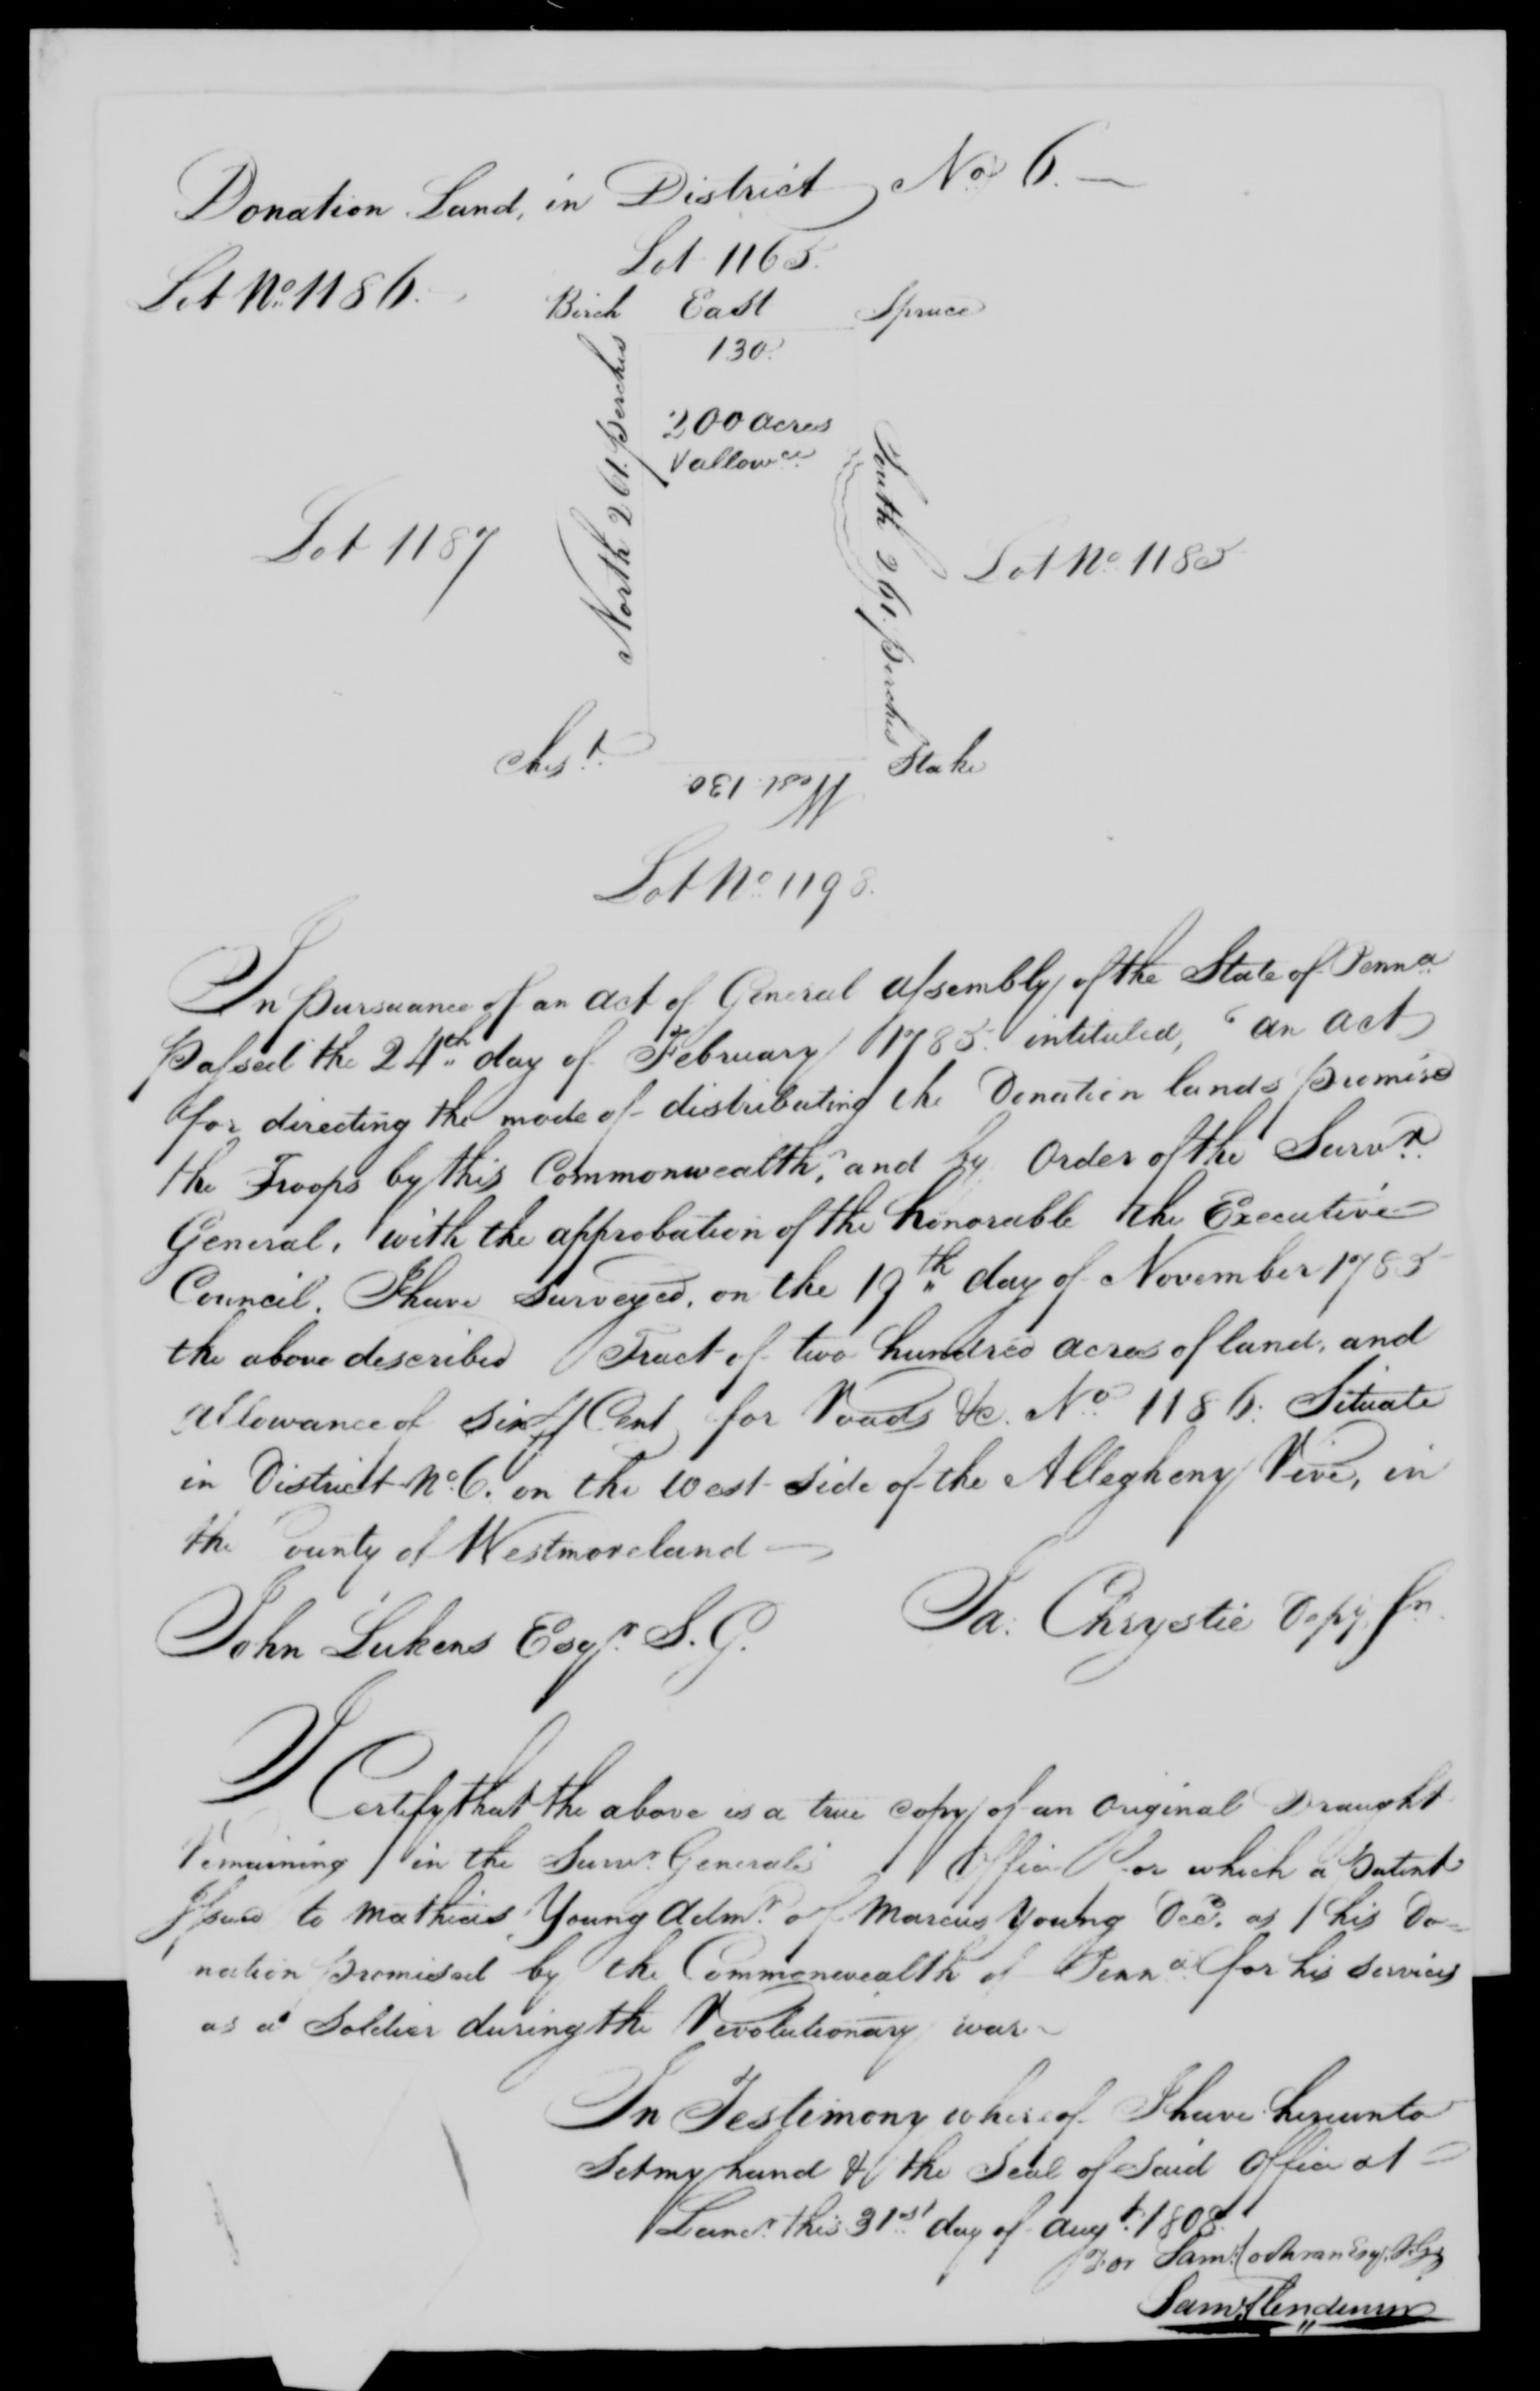Donation Land in District No. 6
Lot No. 1186  
Lot 1165
Birch    East   Spruce
130’
Lot 1187 North 261 perches
Lot no 1185  South 261 perches
Ches’t     Stake
West 130
Lot No 1193
In pursuance of an act of the General assembly of the State of Penn’a, passed the 24th day of February 1785, intitled ‘an act for directing the mode of distributing the Donation lands promised the Troops by this Commonwealth; and by order of the Surveyor General with the approbation of the honorable the Executive Council.  I have Surveyed on the 19th day of November 1785, the above described tract of two hundred acres of land, and allowance of Six ft Cent for roads &c No 1186, Situate in District No 6 on the West side of the Alleghany River, in the County of Westmoreland. 
To John Lukens Esq’r S G 
Pa Chrystie Copy for 
I Certify the above to be a true copy of an original Draught Remaining in the Surveyor Generals Office, for which a patent issued to Mathias Young Adm’r [administrator] of Marcus Young dec’d of his Donation promised by the Commonwealth of Penn’a for his service as a Soldier during the Revolutionary war. 
In testimony whereof I have hereunto set my hand & the seal of said Office, this 31st day of August 1808 
For Saml Cochran Esq. J. G.y
Sam’l Clendenin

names: Mathias Young, Saml Cochran, John Lukens, Ja Chrystie, Marcus Young, Saml Clendenin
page: 8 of 13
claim: bounty land warrant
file: B. L. Wt. 428-200, Marcus Young, Penn.